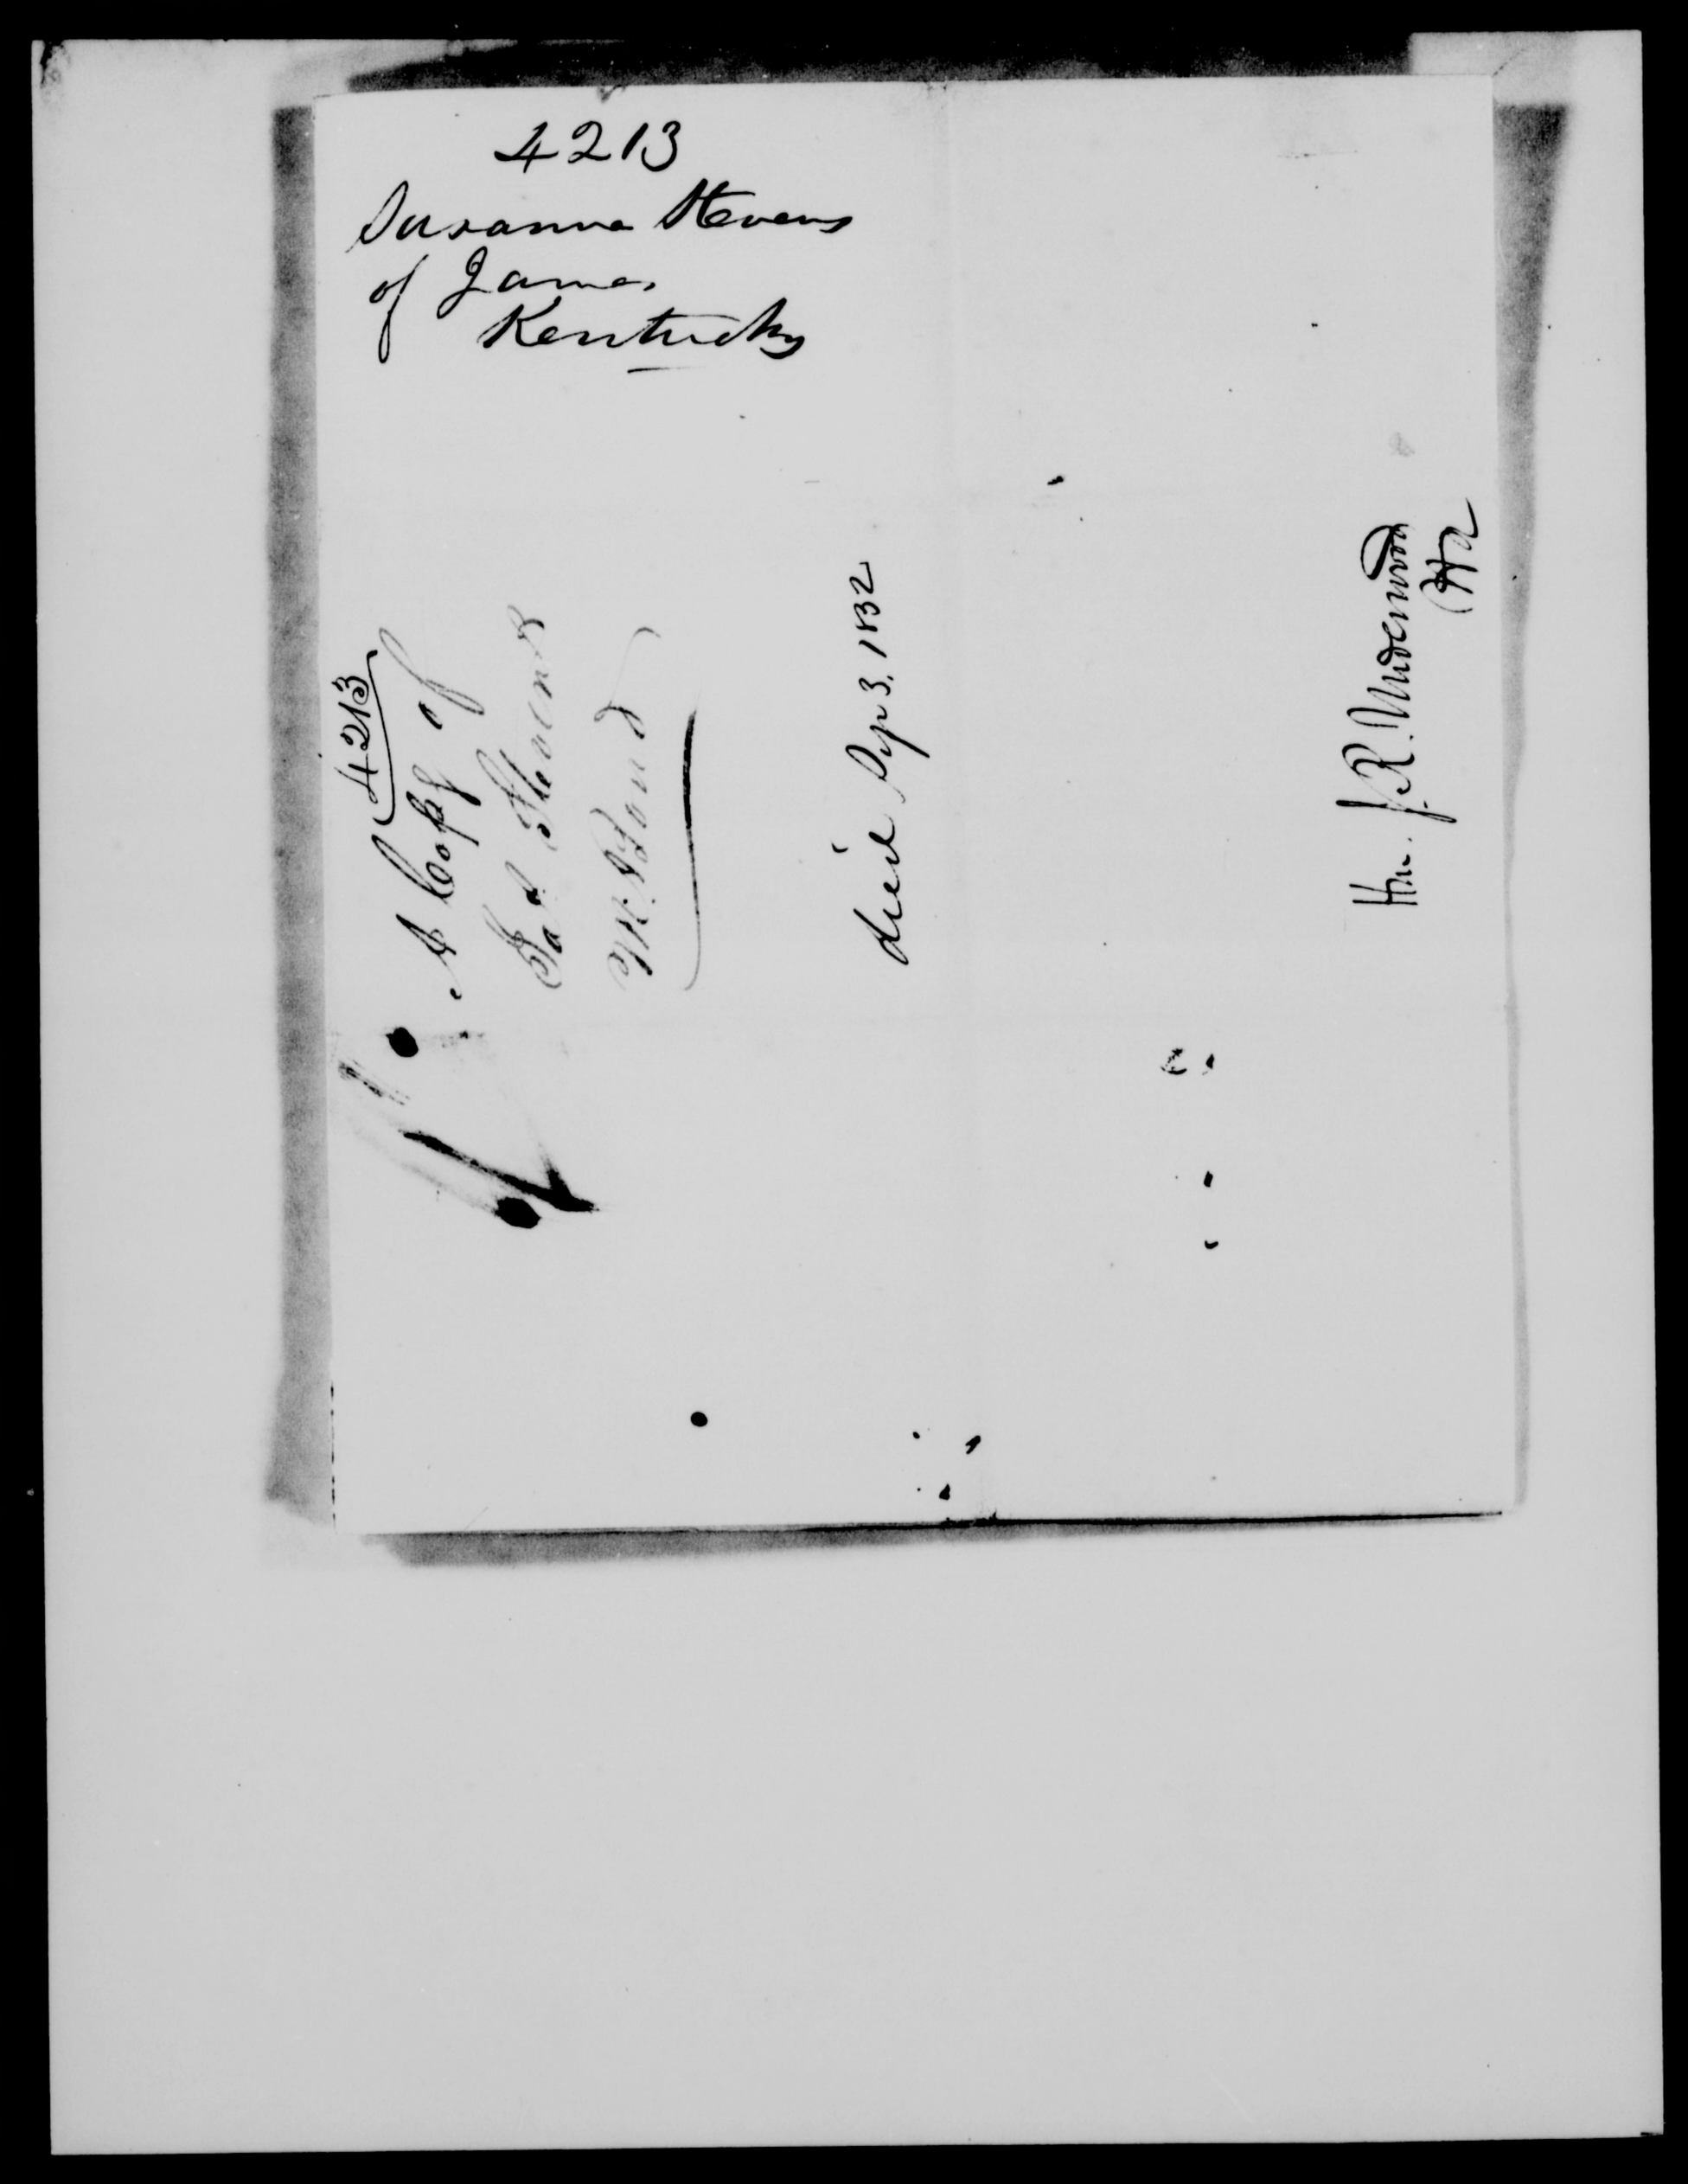4213 
Susanna Stevens 
of James, Kentucky

4213
A Copy of 
[illegible]
McBond
died Apr 3 1832

Hon.J.r. Morewood
HA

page: 16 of 99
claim: widow's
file: W 8766, for James Stevens, Virginia